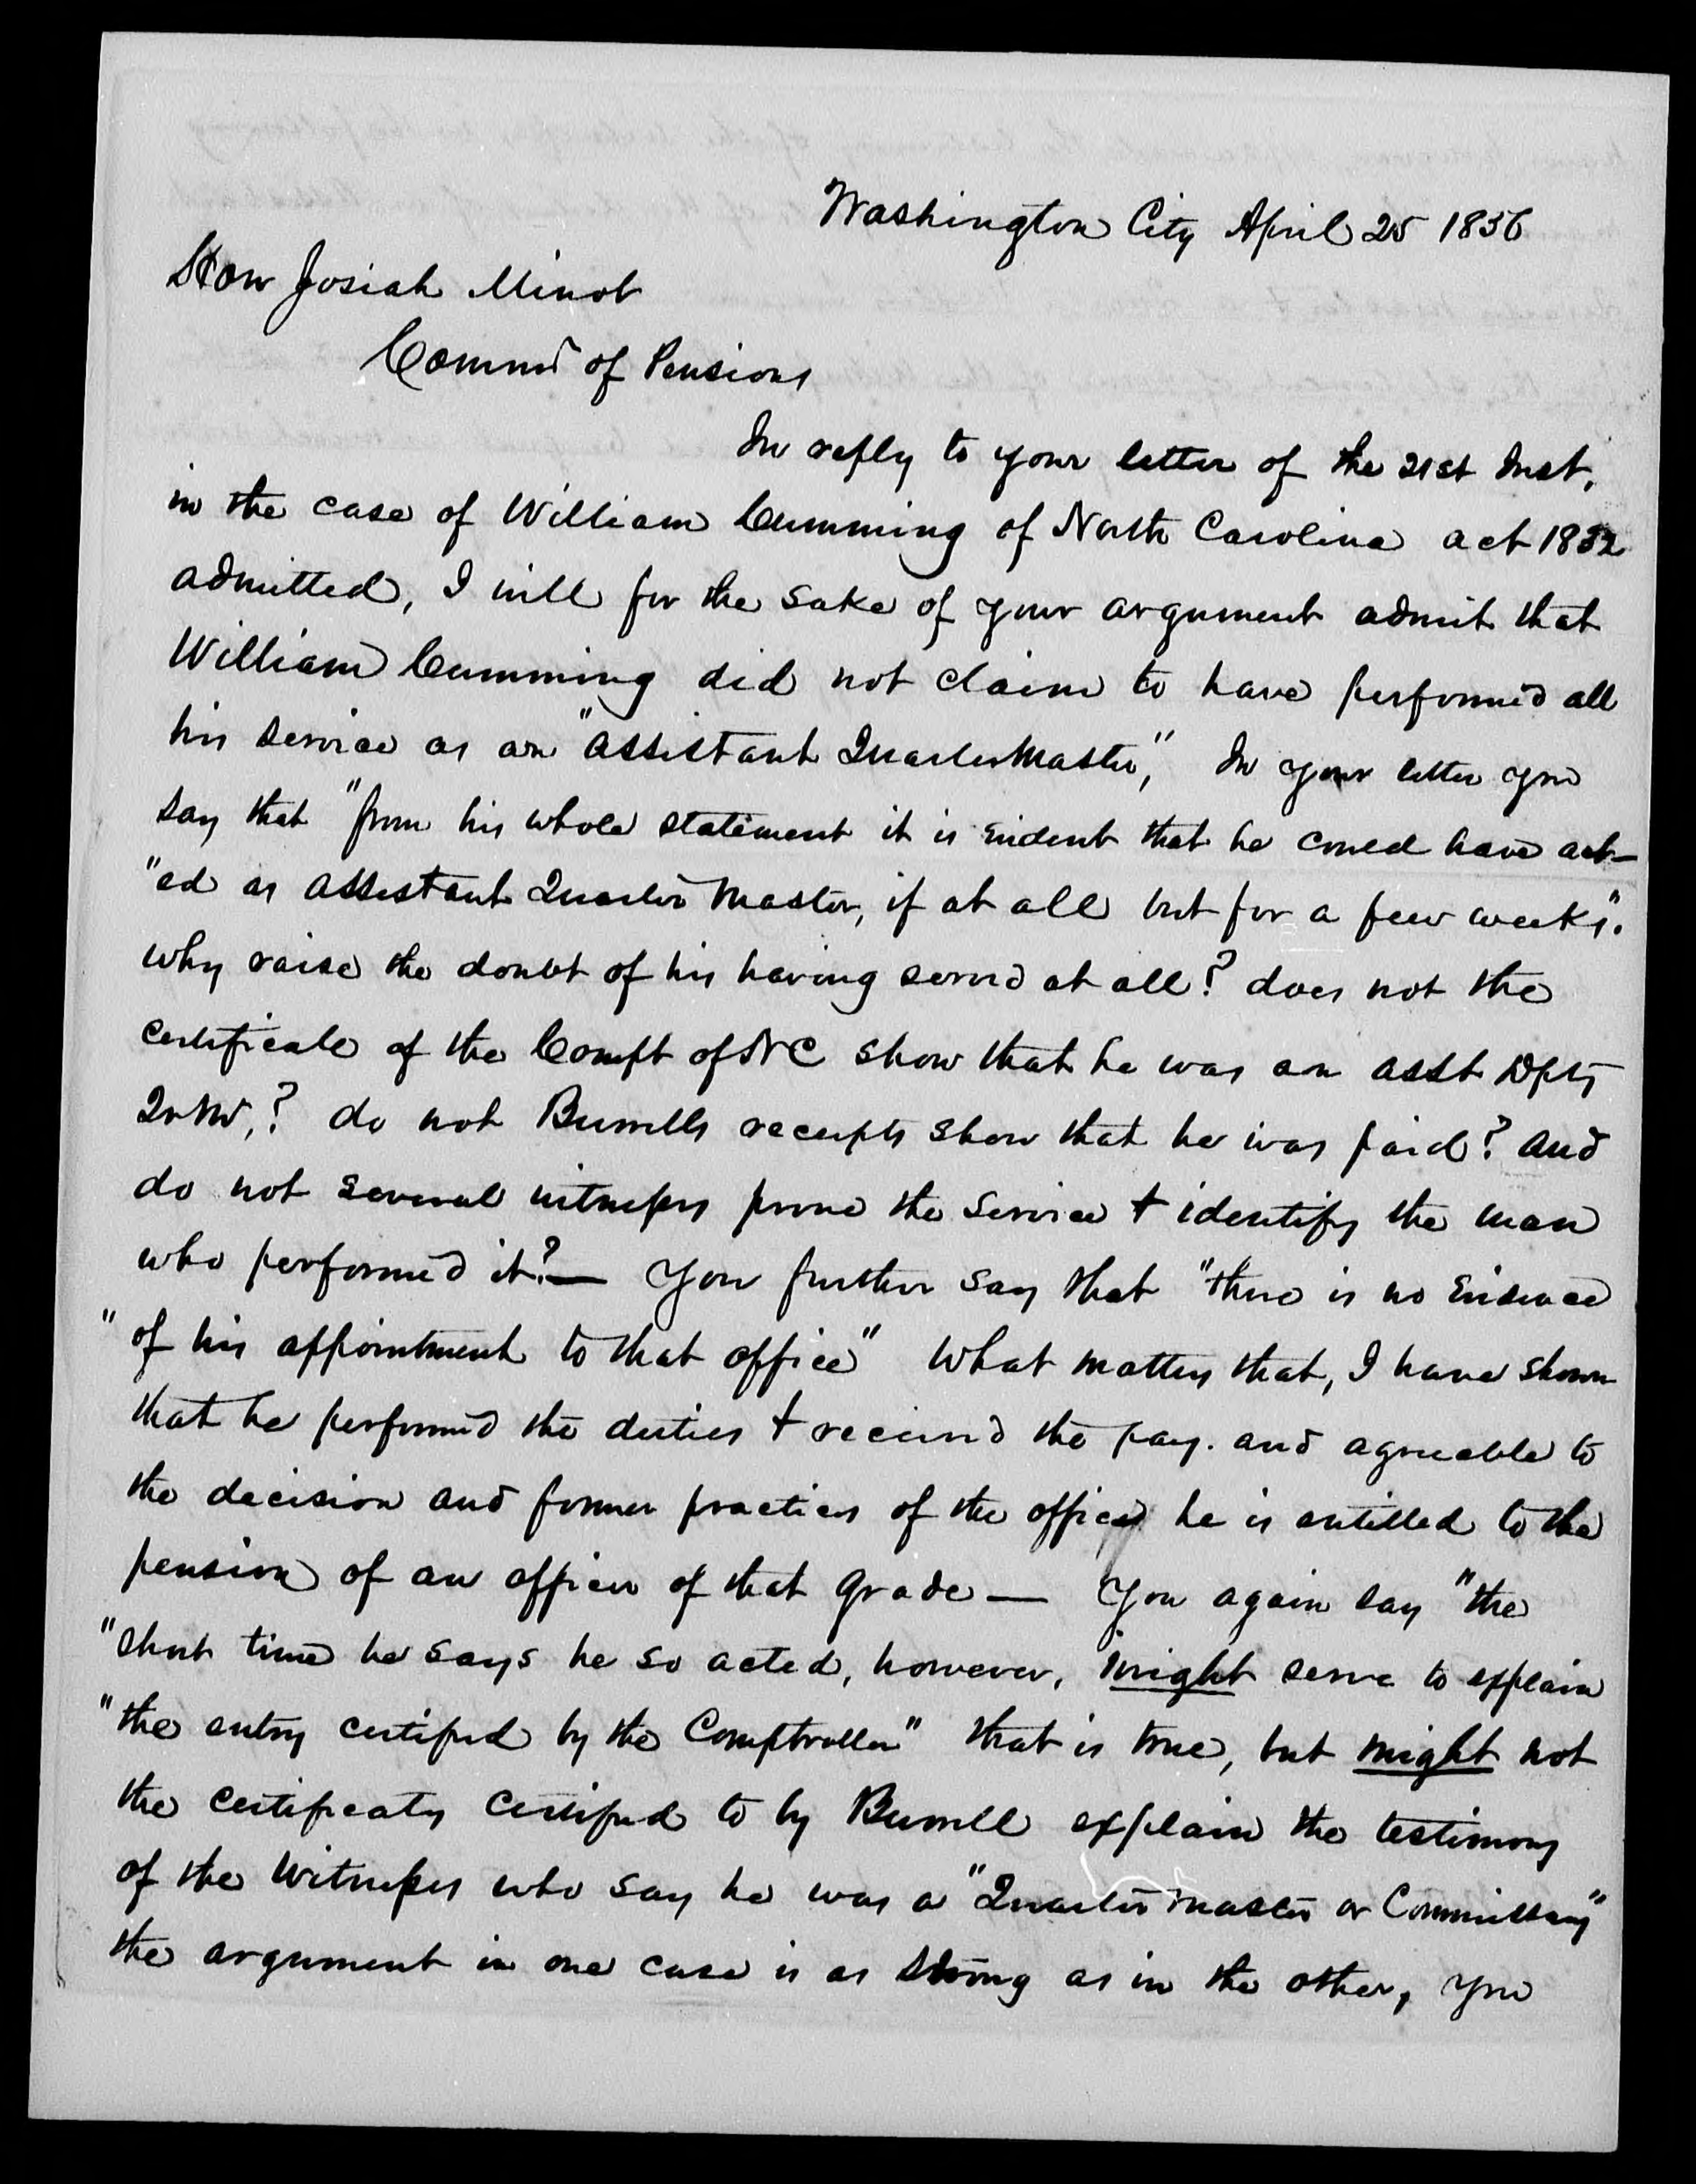[Handwritten letter.  Occasional spacing has been included to make the long text block easier to read.]

Washington City  April 25 1836 [or 1856, but looks most likely 1836]

Hon Josiah Minot
Commr [Commissioner] of Pensions

In reply to your letter of the 21st Inst, [Instant, meaning of this month] in the case of William Cumming of North Carolina act 1832 admitted, I will for the Sake of your argument admit that William Cumming did not claim to have performed all his Service as an "assistant QuarterMaster,"

In your letter you say that "from his whole statement it is Evident that he could have act-"ed as Assistant Quarter Master, if at all but for a few weeks."  Why raise the doubt of his having served at all?  does not the certificate of the Compt [Comptroller] of NC show that he was an asst [assistant] Dpty [Deputy] QRMr,? [Quarter Master,?] 

do not Burrills [or Burrells] receipts Show that he was paid?  And do not Several witnesses prove the Service + identify the man who performed it?__ 

You further say that "there is no Evidence "of his appointment to that office" What matters that, I have shown that he performed the duties + received the pay. and agreeable to the decision and former practices of the office [or offices] he is entitled to the pension of an officer of that Grade - 

You again say "the [?] short time he says he so acted, however, [here the following word is underlined:] might serve to explain "the entry certified by the Comptroller" that is true, but [here the following word is again underlined:] might not the certificates certified to by Burrill [or Burrell] explain the testimony of the Witnesses who Say he was a "Quarter Master or Commissary" 

the argument in one case is as Strong as in the other, you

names: William Cumming, William Cumming, Josiah Minot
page: 33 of 145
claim: survivor's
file: S. 8265, William Cumming, N.C.